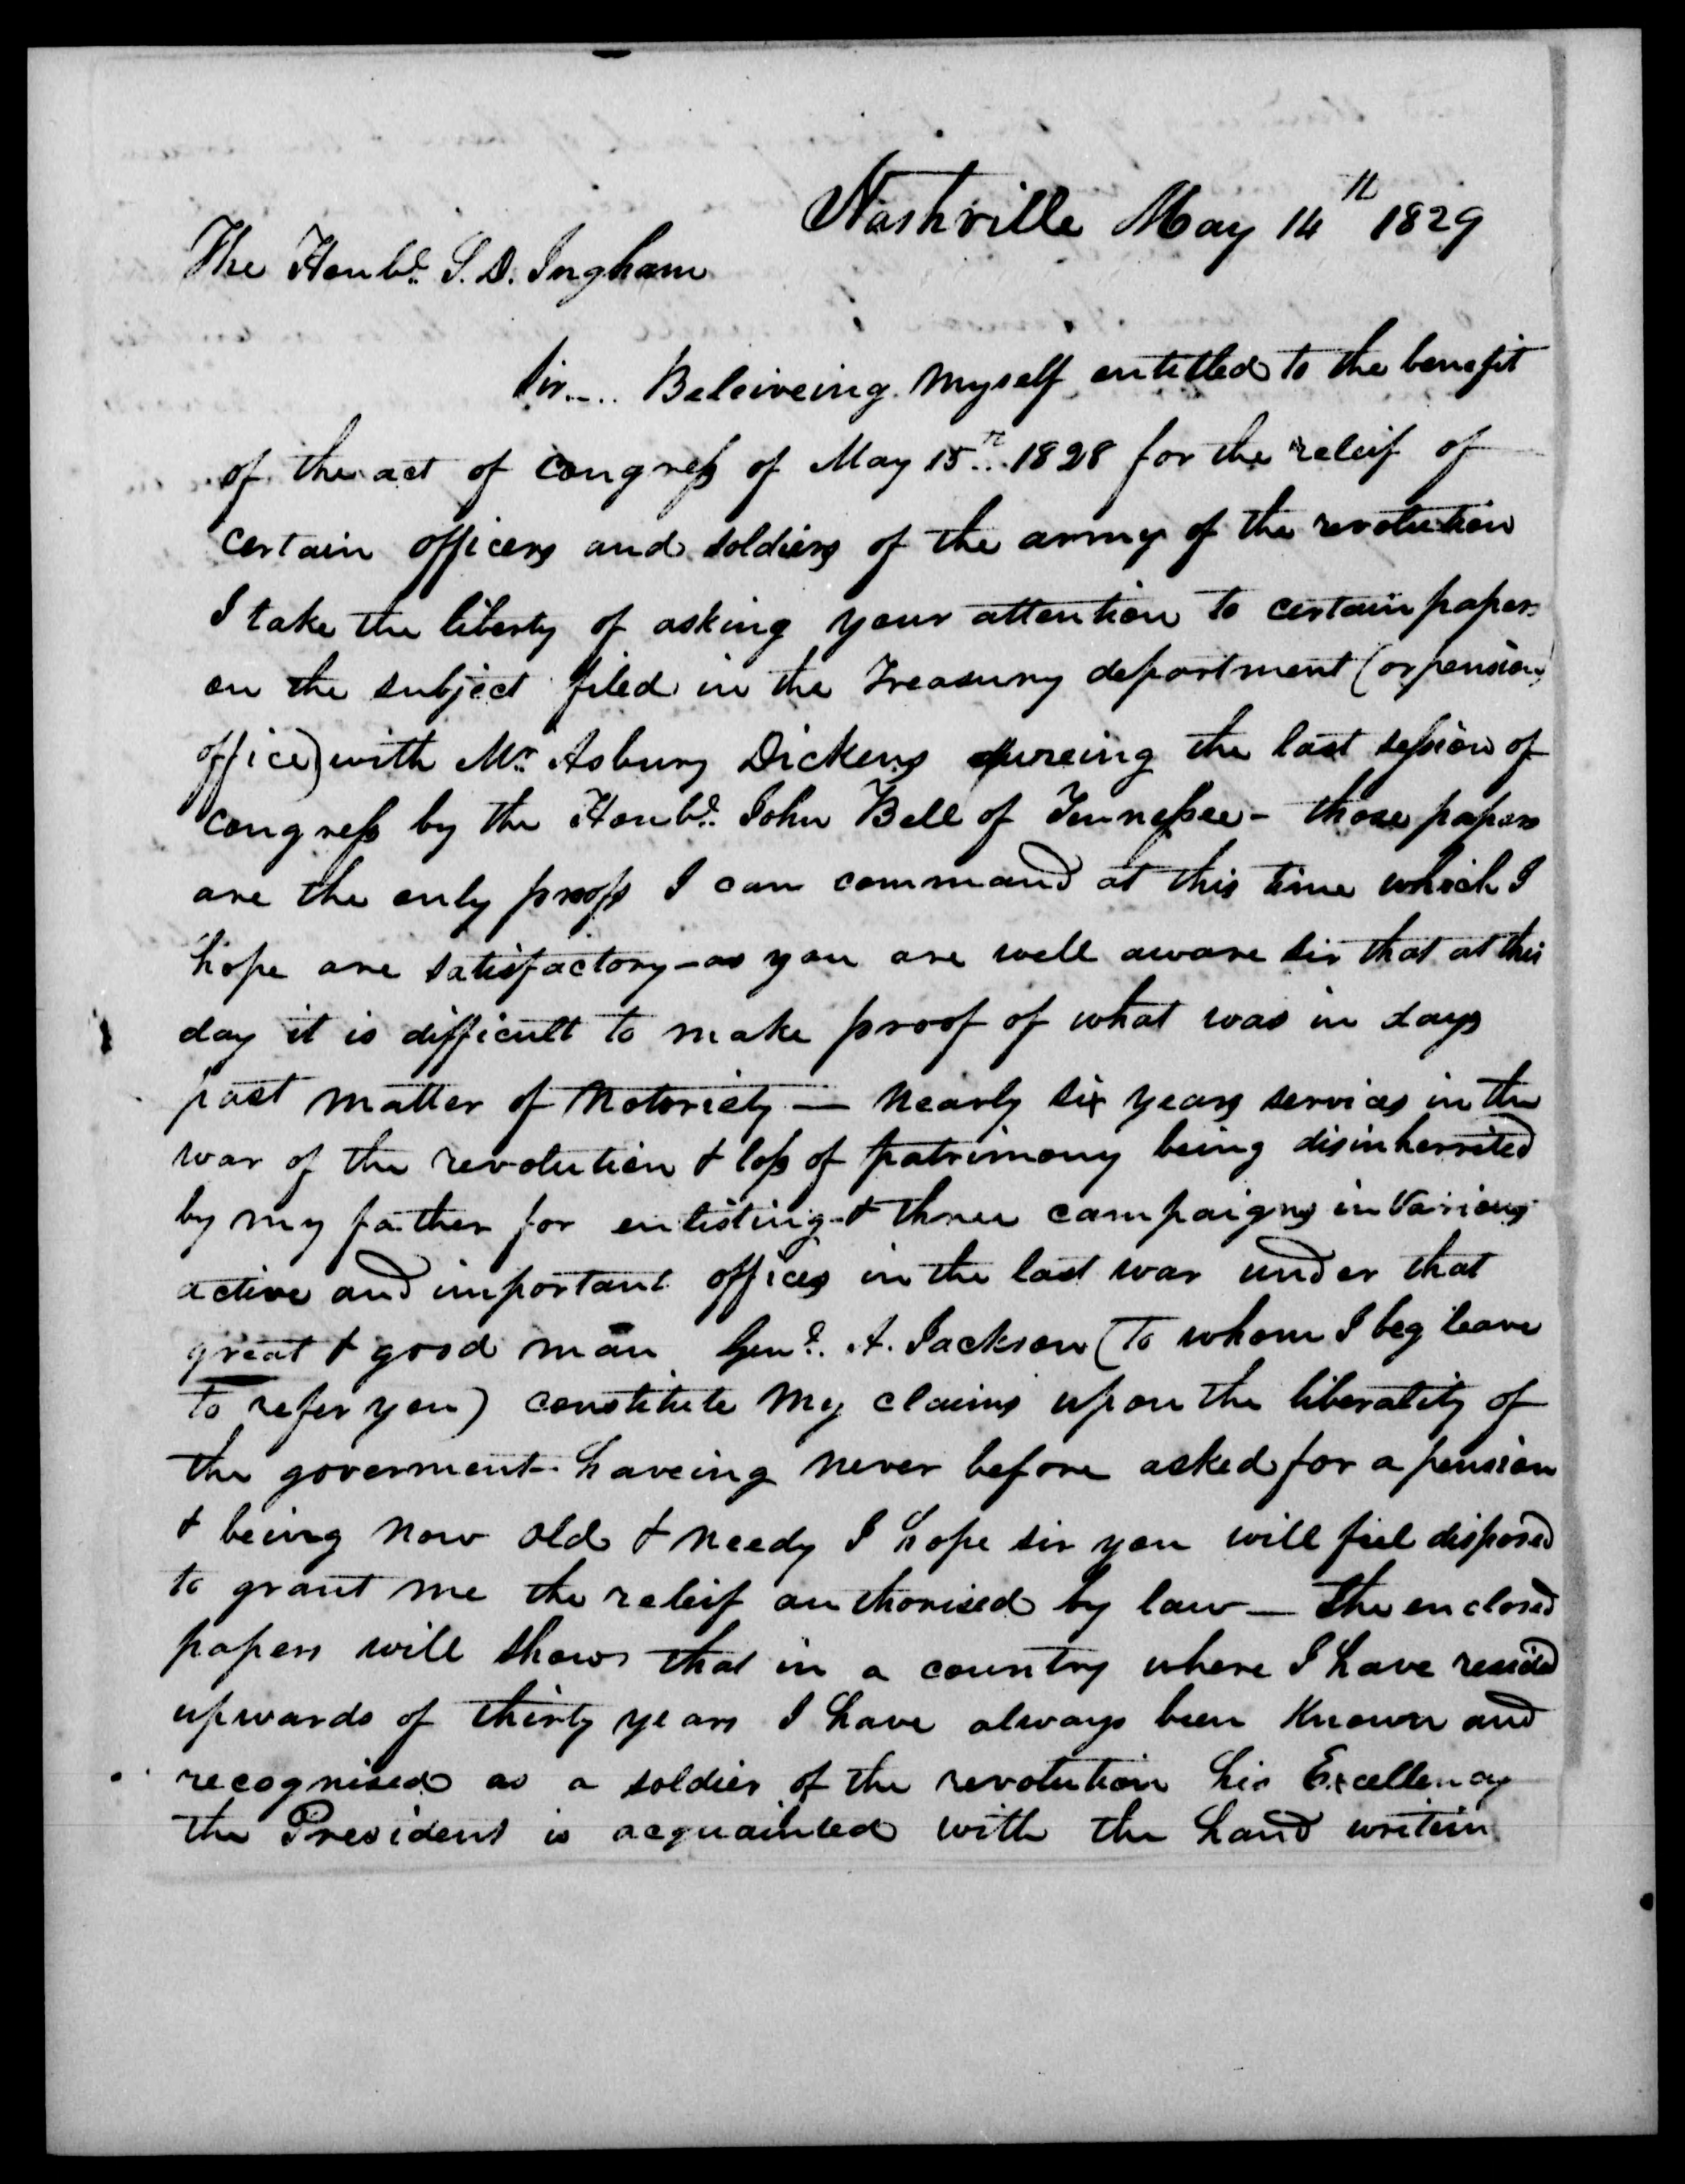Nashville May 14th 1829
The Honbl. S.D. Ingham
Sir - Believing myself entitled to the benefit
of the act of Congress of May 15th 1828 for the relief of
certain officers and soldiers of the army of the Revolution
I take the liberty of asking your attention to certain papers
on the subject filed in the Treasury Department (or Pension
Office) with Mr. Asbury Dickens during the last session of
Congress by the Honorable John Ball of Tennessee - those papers
are the only proof I can command at this time which I
hope are satisfactory - as you are well aware sir that at this
day it is difficult to make proof of what was in days
past matter of notoriety - nearly six years services in the
War of the Revolution and loss of patrimony being disinherited
by my father for enlisting and three campaigns in various
active and important offices in the last war under that
great and good man General A. Jackson (to whom I beg leave
to refer you) constitute my claims upon the liberality of
the government - having never before asked for a pension
and being now old and needy I hope sir you will find disposed
to grant me the relief authorized by law - the enclosed
papers will show that in a county where I have resided
upwards of thirty years I have always been known and
recognized as a soldier of the Revolution his Excellency
the President is acquainted with the hand writing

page: 20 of 32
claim: survivor's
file: S. 16,526, for Basil Shaw, Maryland